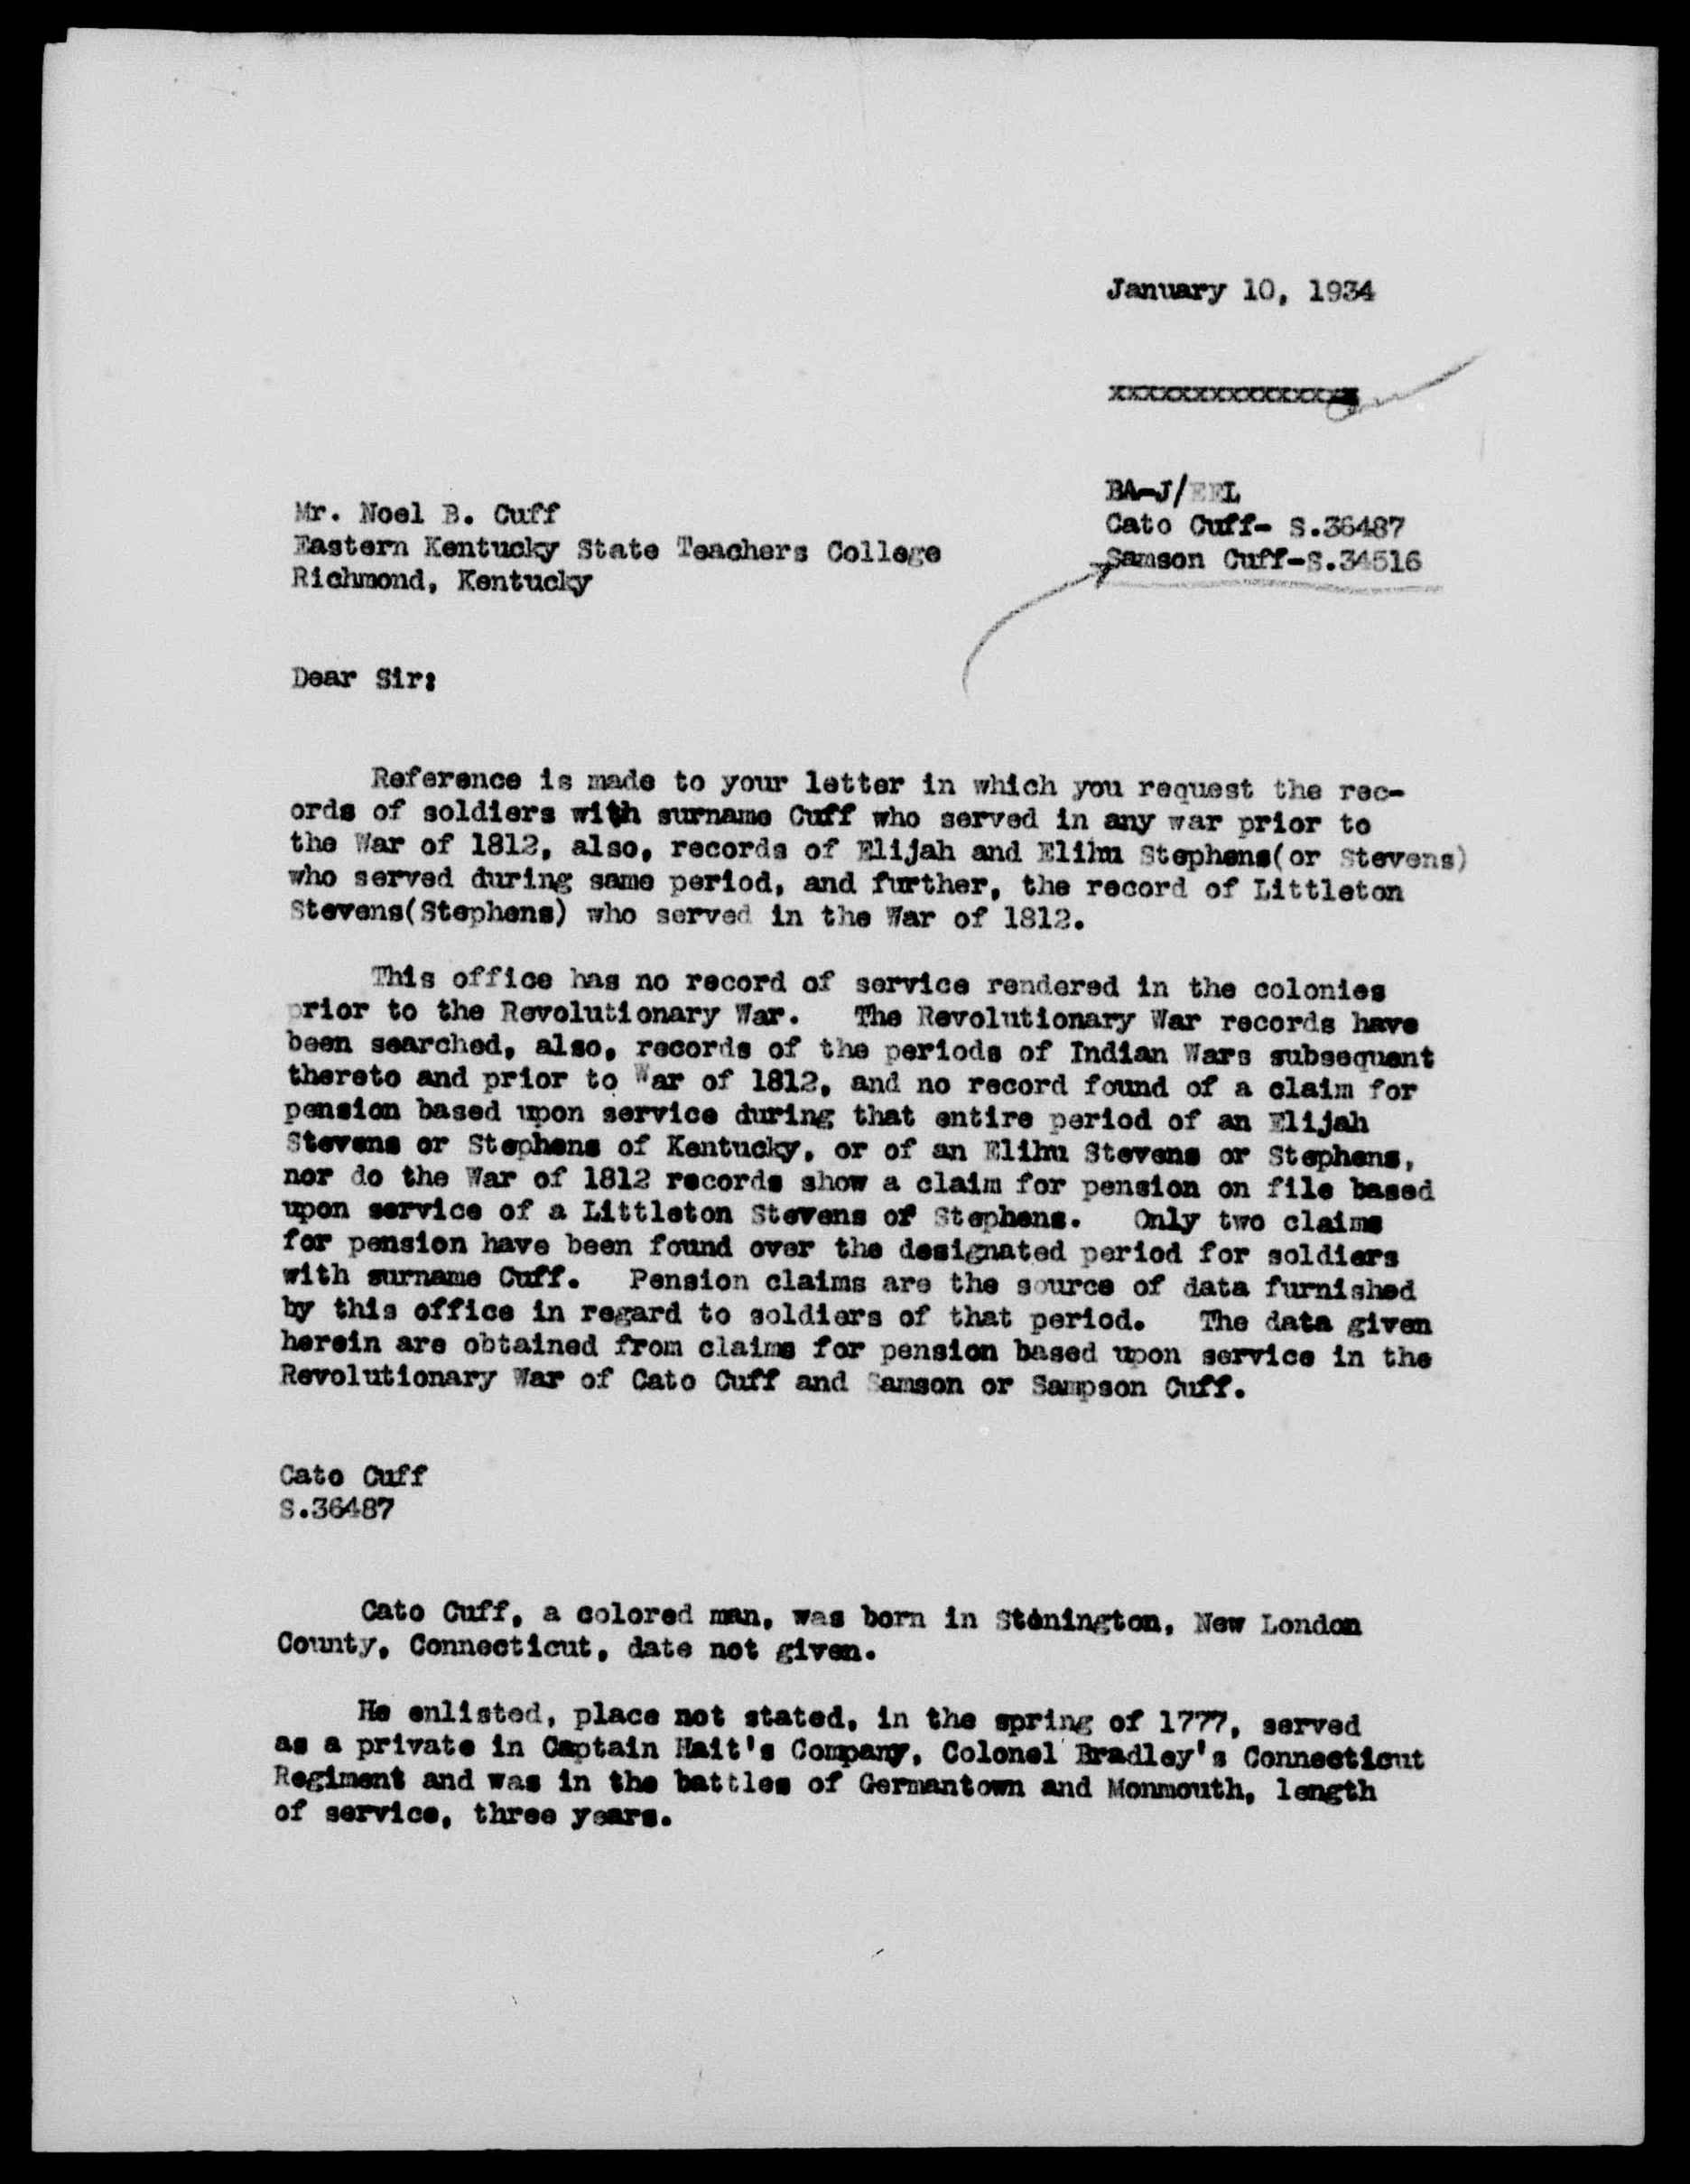January 10, 1943
xxxxxxxxxxxxxxx

Mr. Noel B. Cuff
Eastern Kentucky State Teachers College
Richmond, Kentucky

BA-J/EEL
Cato Cuff - S.36487
Samson Cuff - S.34516

Dear Sir:

Reference is made to your letter in which you request the records of soldiers with surname Cuff who served in any war prior to the War of 1812, also, records of Elijah and Elihu Stephens (or Stevens) who served during same period, and further, the record of Littleton Stevens (Stephens) who served in the War of 1812.

This office has no record of service rendered in the colonies prior to the Revolutionary War. The Revolutionary War records have been searched, also, records of the periods of Indian Wars subsequent thereto and prior to War of 1812, and no record found of a claim for pension based upon service during that entire period of an Elijah Stevens or Stephens of Kentucky, or of an Elihu Stevens or Stephens, nor do the War of 1812 records show a claim for pension on file based upon service of a Littleton Stevens or Stephens. Only two claims for pension have been found over the designated period for soldiers with surname Cuff. Pension claims are the source of data furnished by this office in regard to soldiers of that period. The data given herein are obtained from claims for pension based upon service in the Revolutionary War of Cato Cuff and Samson or Sampson Cuff.

Cato Cuff
S.36487

Cato Cuff, a colored man, was born in Stonington, New London County, Connecticut, date not given.

He enlisted, place not stated, in the spring of 1777, served as a private in Captain Hait's Company, Colonel Bradley's Connecticut Regiment and was in the battles of Germantown and Monmouth, length of service, three years.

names: Elihu Stephens, Elihu Stevens, Elijah Stephens, Cuff, Noel B Cuff, Elijah Stephens, Littleton Stevens, Cuff, Elijah Stevens, Littleton Stevens, Samson Cuff, Cato Cuff, Littleton Stephens, Elihu Stephens, Cato Cuff, Cato Cuff, Littleton Stephens, Samson Cuff, Sampson Cuff, Elijah Stevens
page: 7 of 11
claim: survivor's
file: S. 34,616, Samson Cuff, Conn.